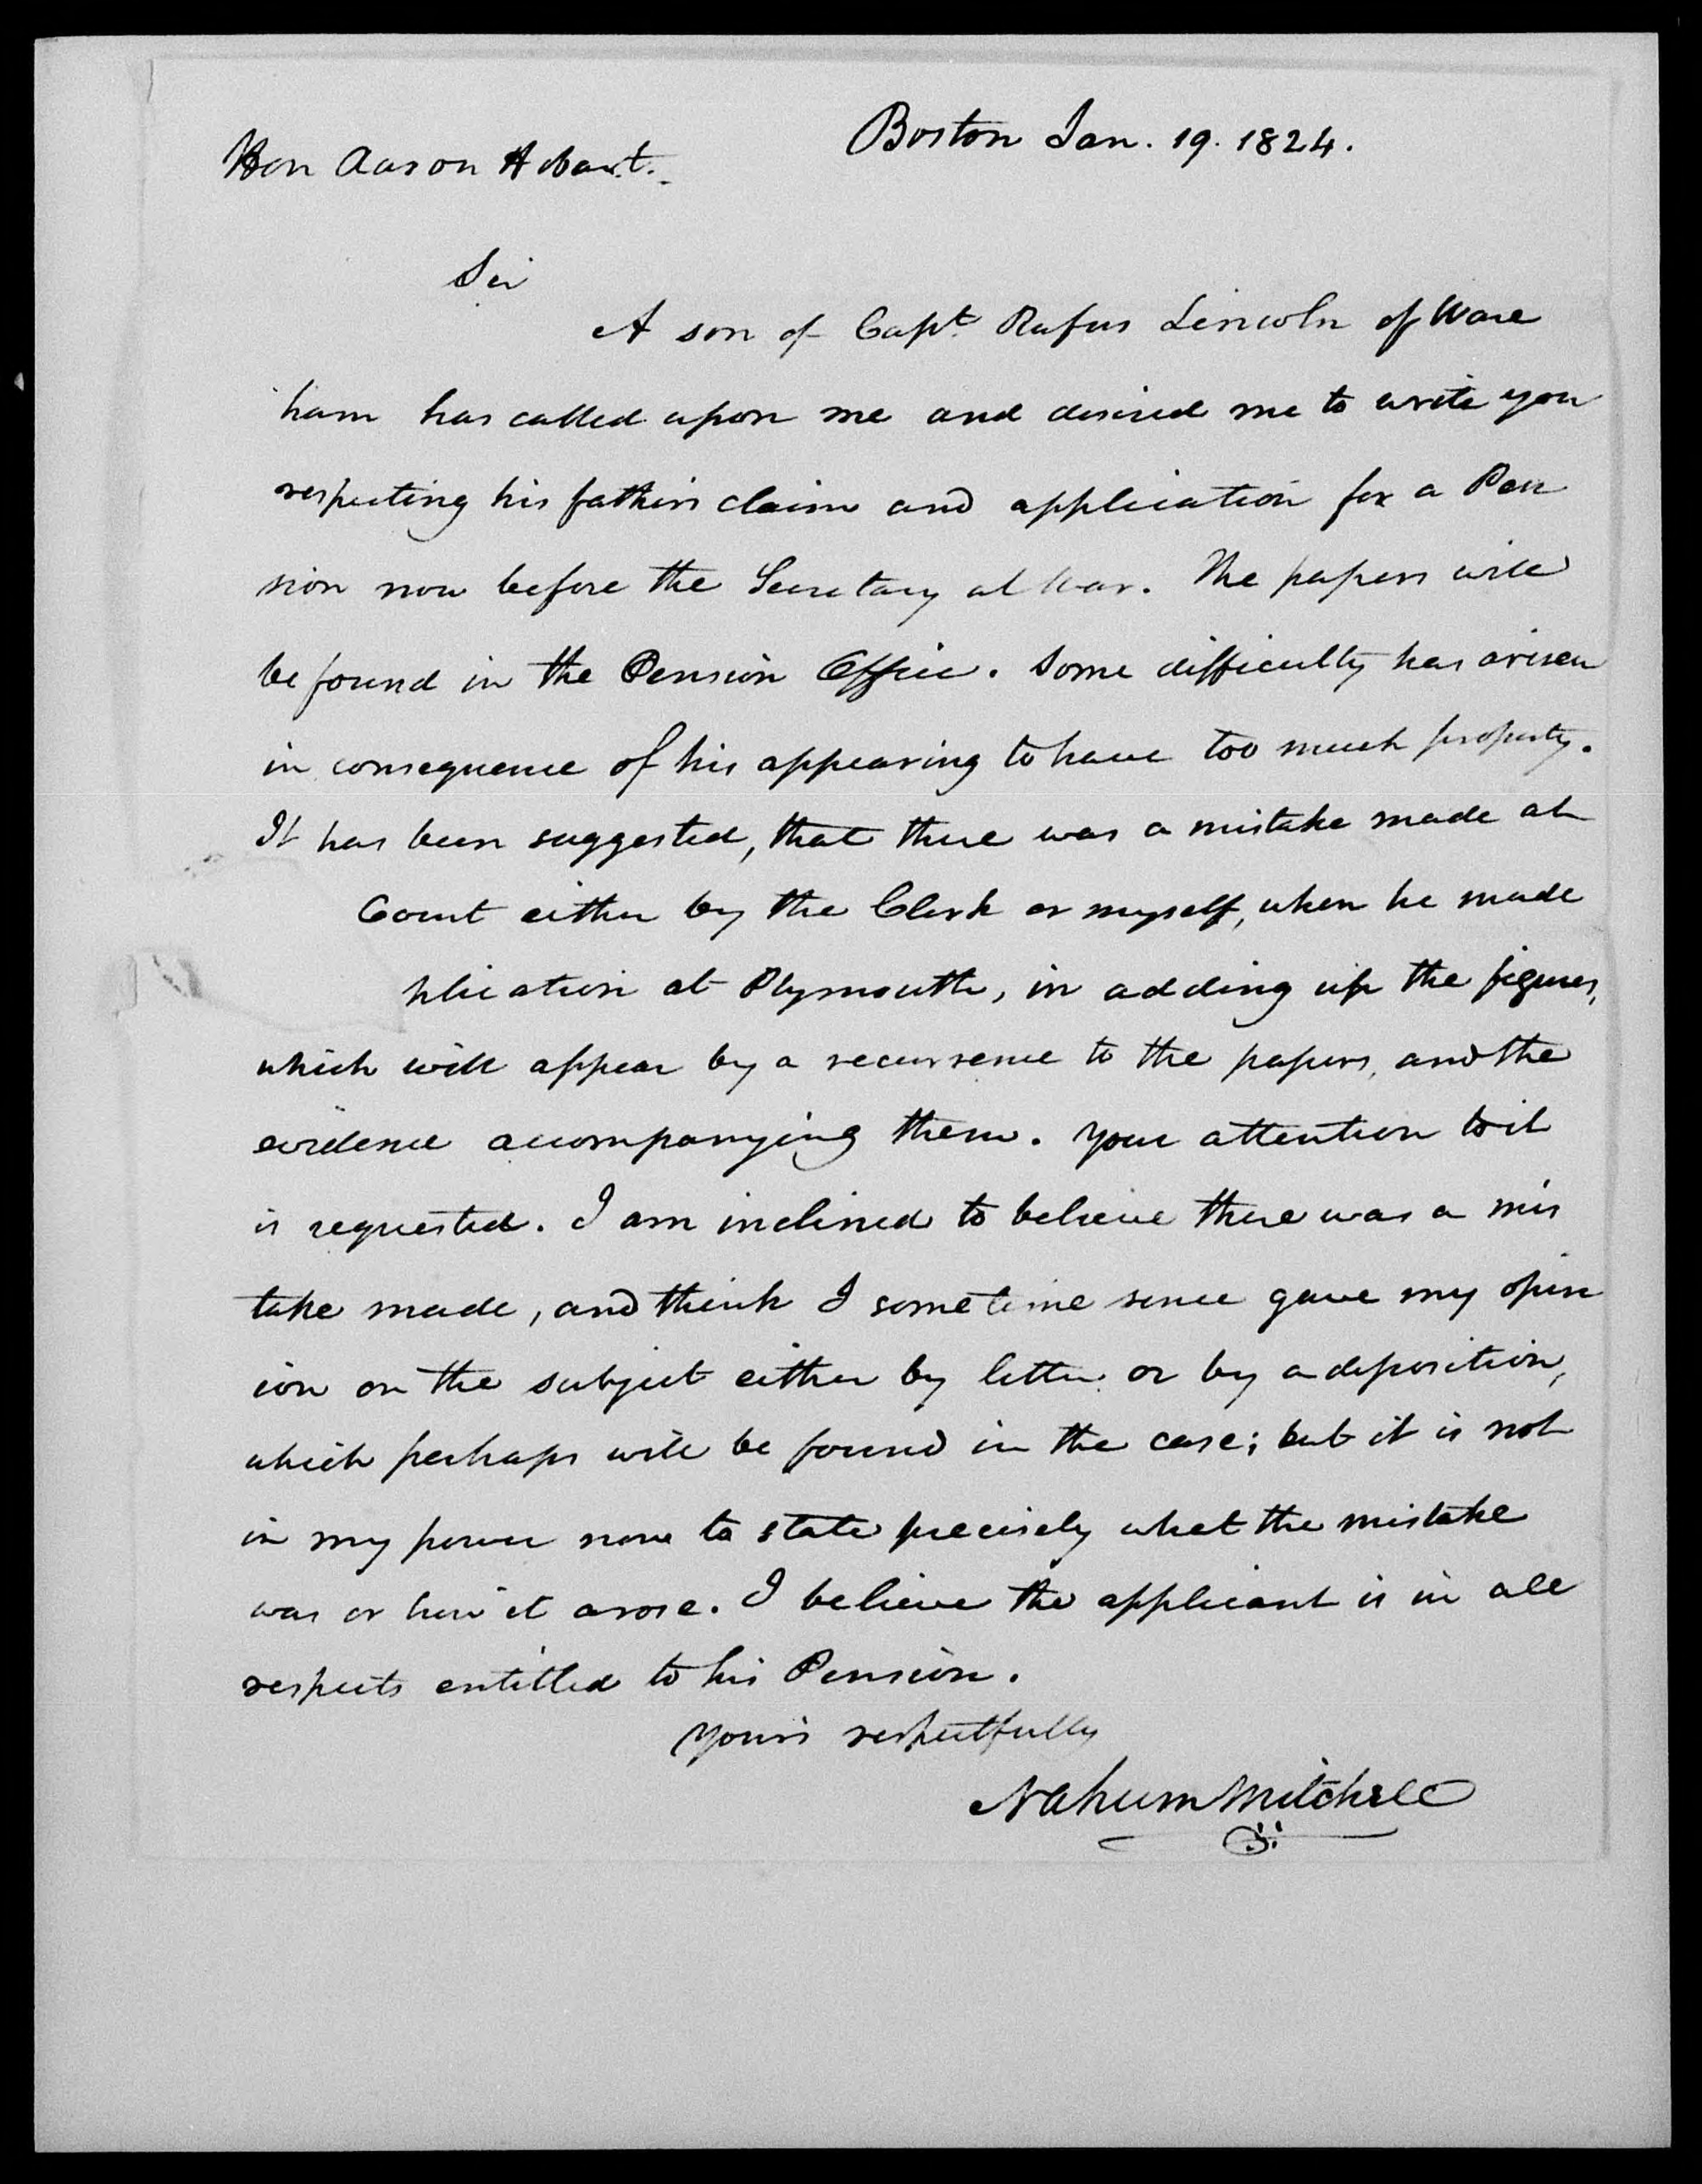Boston Jan. 19. 1824.
Hon Aaron Hobart
Sir
A son of Capt Rufus Lincoln of Wareham has called upon me and desired me to write you
respecting his father's claim and application for a pension now before the Secretary of War.
The papers will be found in the Pension Office. Some difficulty has arisen in consequence of his appearing to have too much property.
It has been suggested, that there was a mistake made at Court either by the Clerk or myself, when he made application at Plymouth, in adding up the figures, which will appear by a recurrence to the papers, and the
evidence accompanying them. your attention to it is requested. I am inclined to believe there was a mistake made, and think I some time since gave my opinion on the subject either by letter or by a deposition which perhaps will be found in the case; but it is not in my power now to state precisely what the mistake was or how it arose, I believe the applicant is in all
respects entitled to his Pension
Yours respectfully
Nahum Mitchell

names: Rufus Lincoln; Nahum Mitchell; Aaron Hobart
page: 48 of 82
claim: widow's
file: W. 13,634, for Rufus Lincoln, Massachusetts